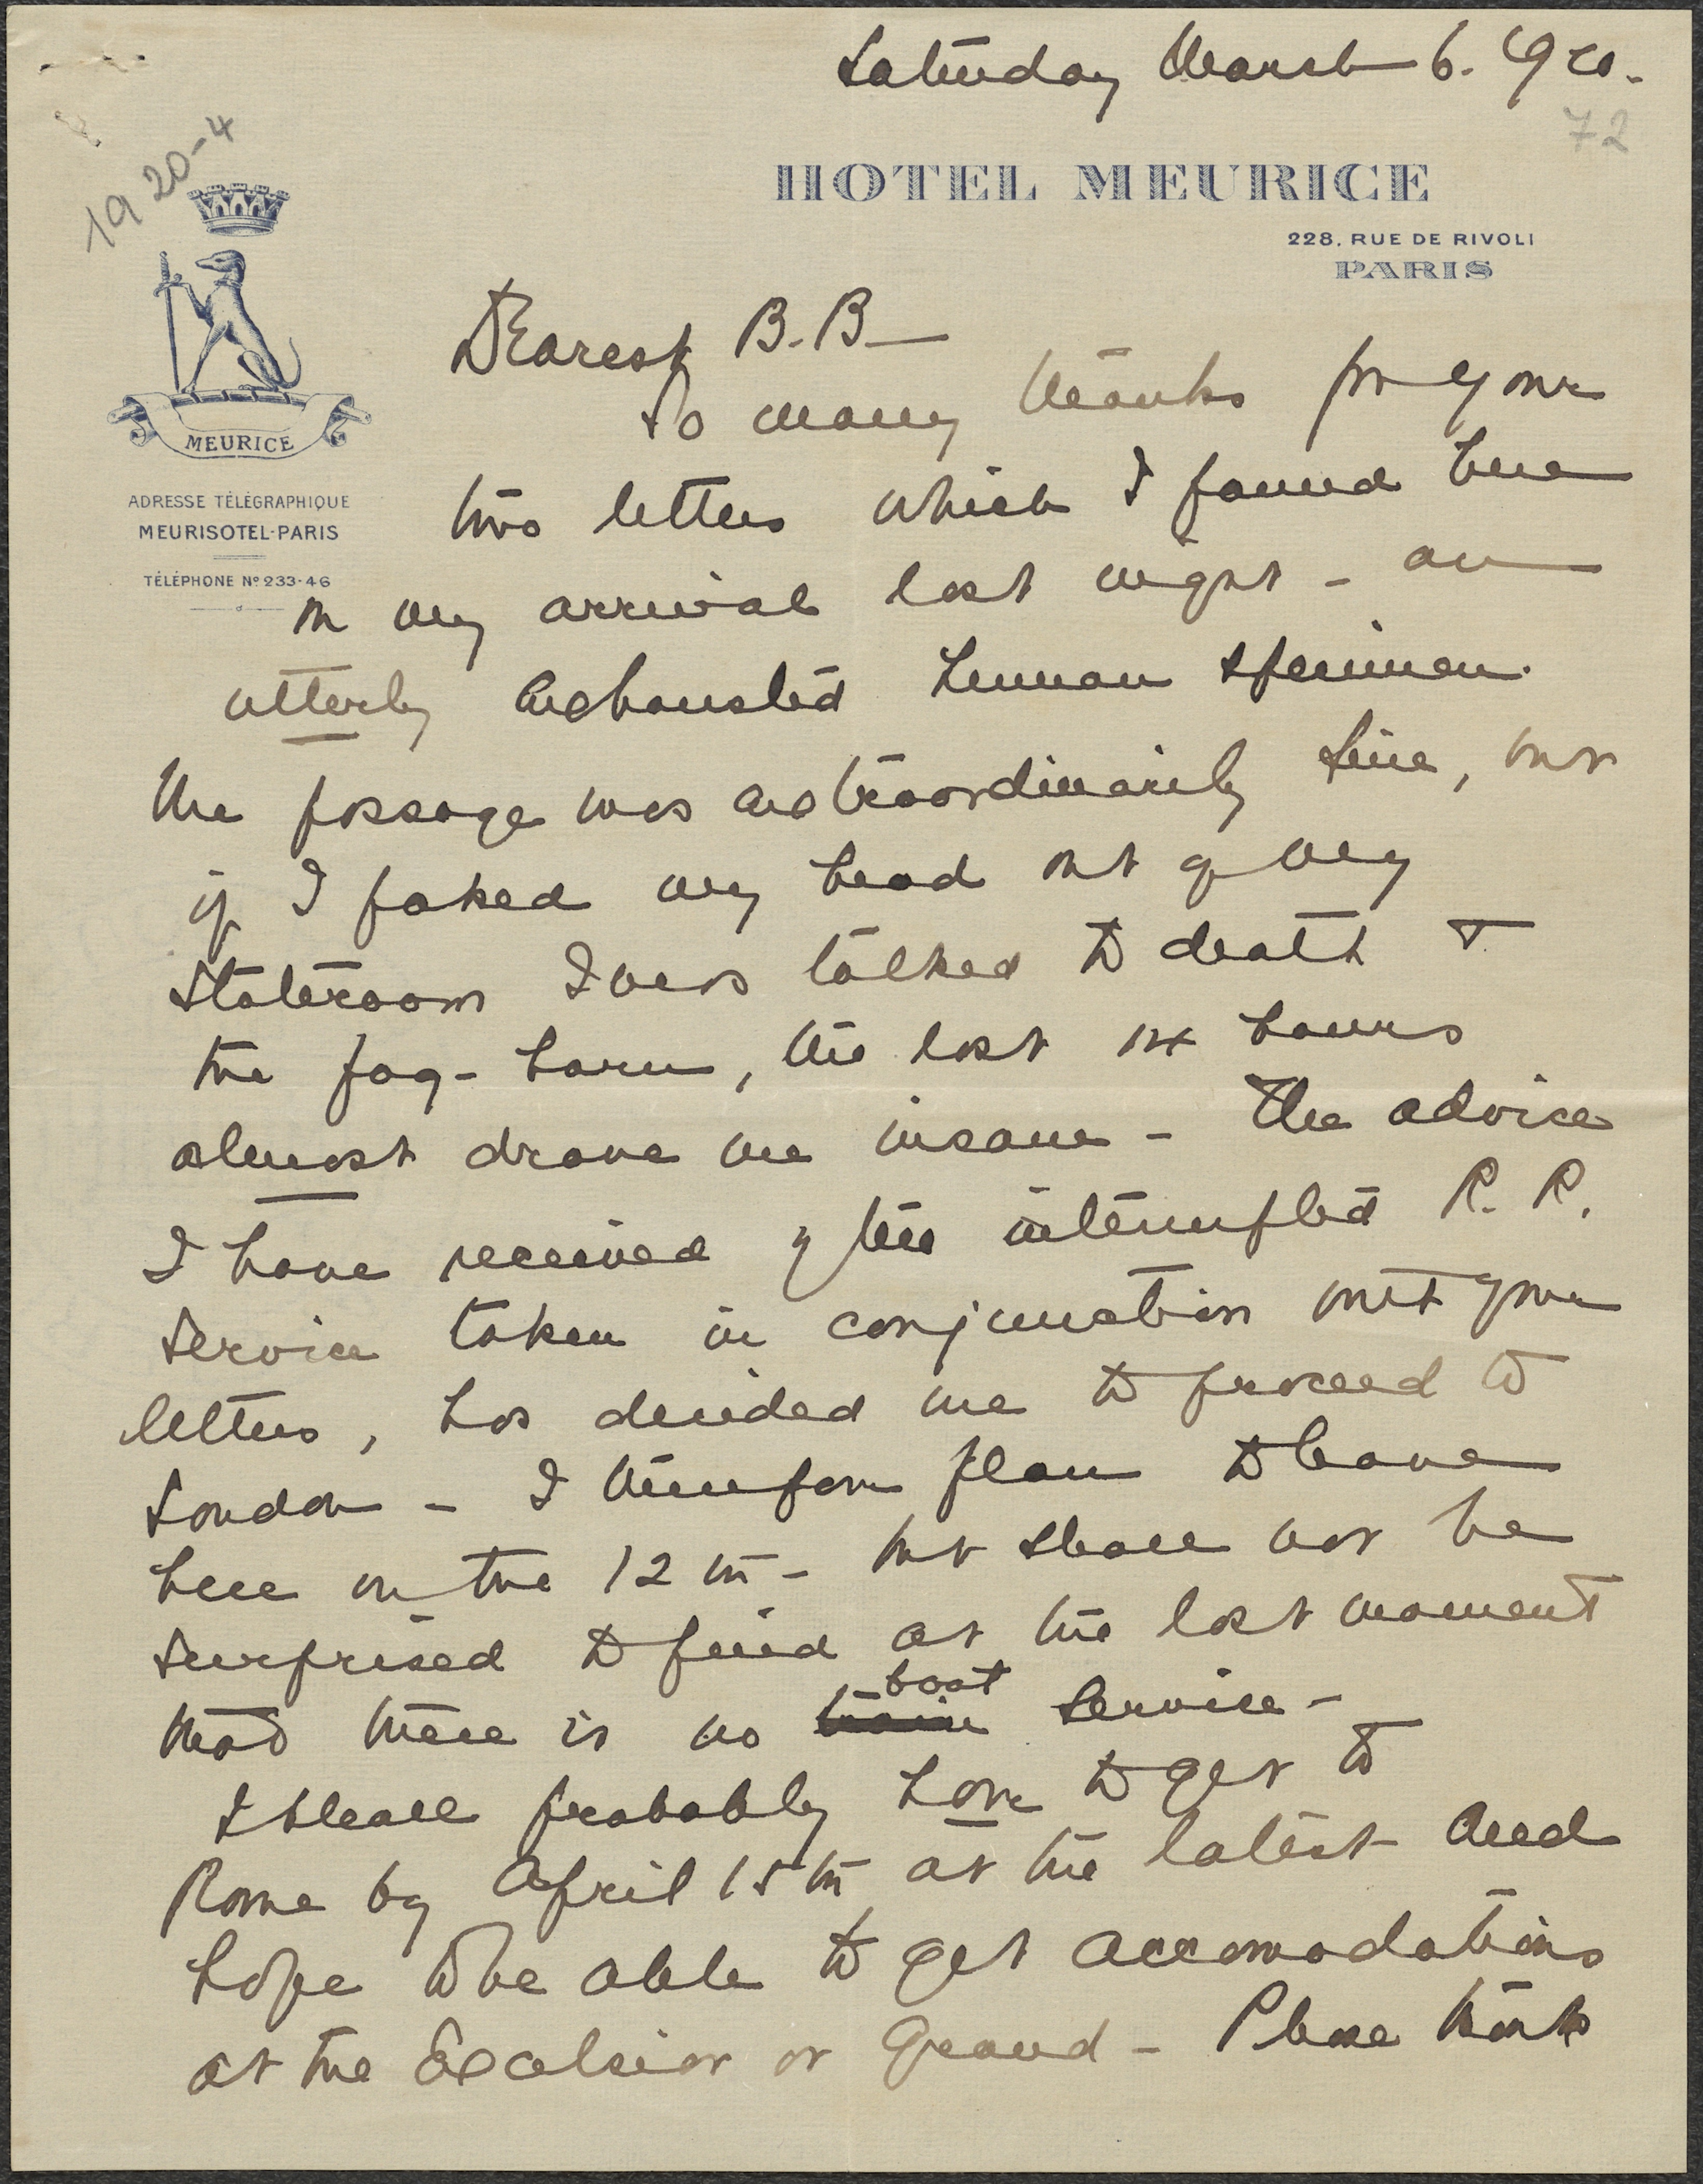Saturday March 6. 1920 –
Dearest B.B –
So many thanks for your two letters which I found here on my arrival last night – an utterly exhausted human specimen. The passage was extraordinarily fine, but if I poked my head of out of my stateroom I was talked to death & the fog-horn, the last 14 hours almost drove me insane – The advice I have received of the intercepted R.R. service taken in conjunction with your letters, has decided me to proceed to London – I therefore plan to leave here on the 12th – but shall not be surprised to find at the last moment that there is no train [^boat^] service –
I shall probably have to get to Rome by April 15th at the latest and hope to be able to get accomodations [sic] at the Excelsior or Grand – Please thank